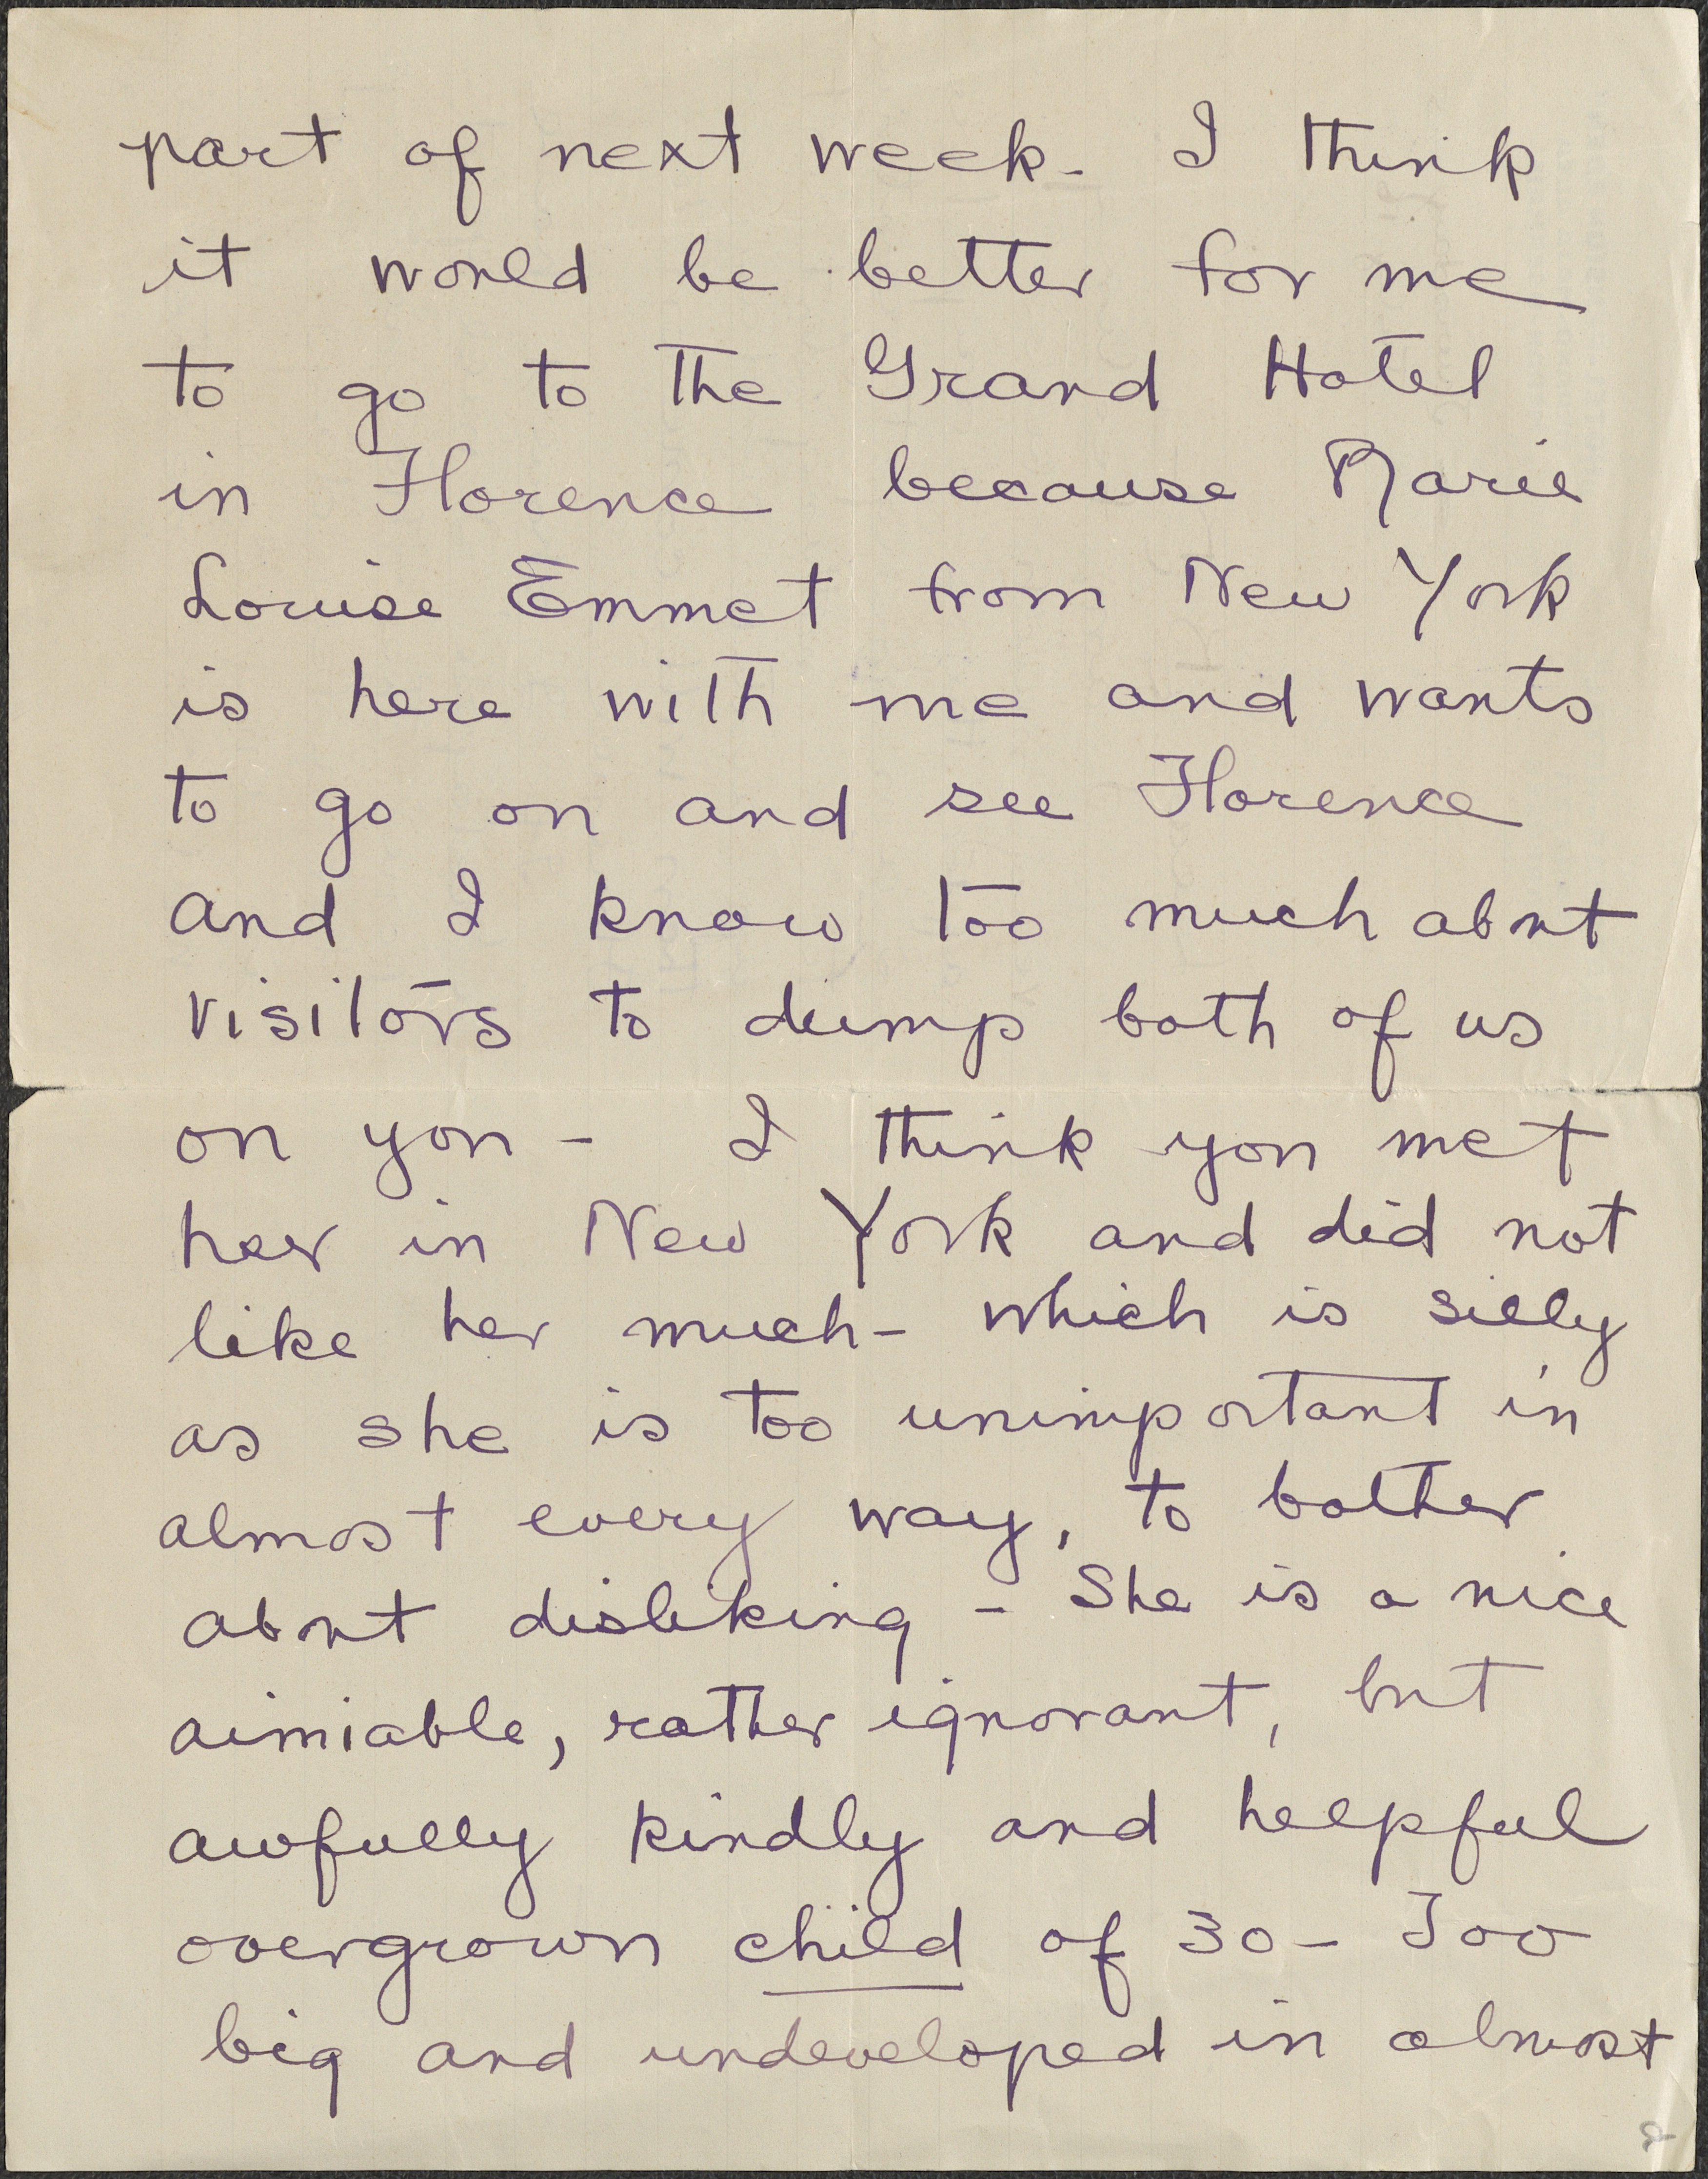part of next week. I think it would be better for me to go to the Grand Hotel in Florence because Marie Louise Emmet from New York is here with me and wants to go on and see Florence and I know too much about visitors to dump both of us on you – I think you met her in New York and did not like her much – which is silly as she is too unimportant in almost every way, to bother about disliking – she is a nice aimiable [sic], rather ignorant, but awfully kindly and helpful overgrown child of 30 – Too big and undeveloped in almost